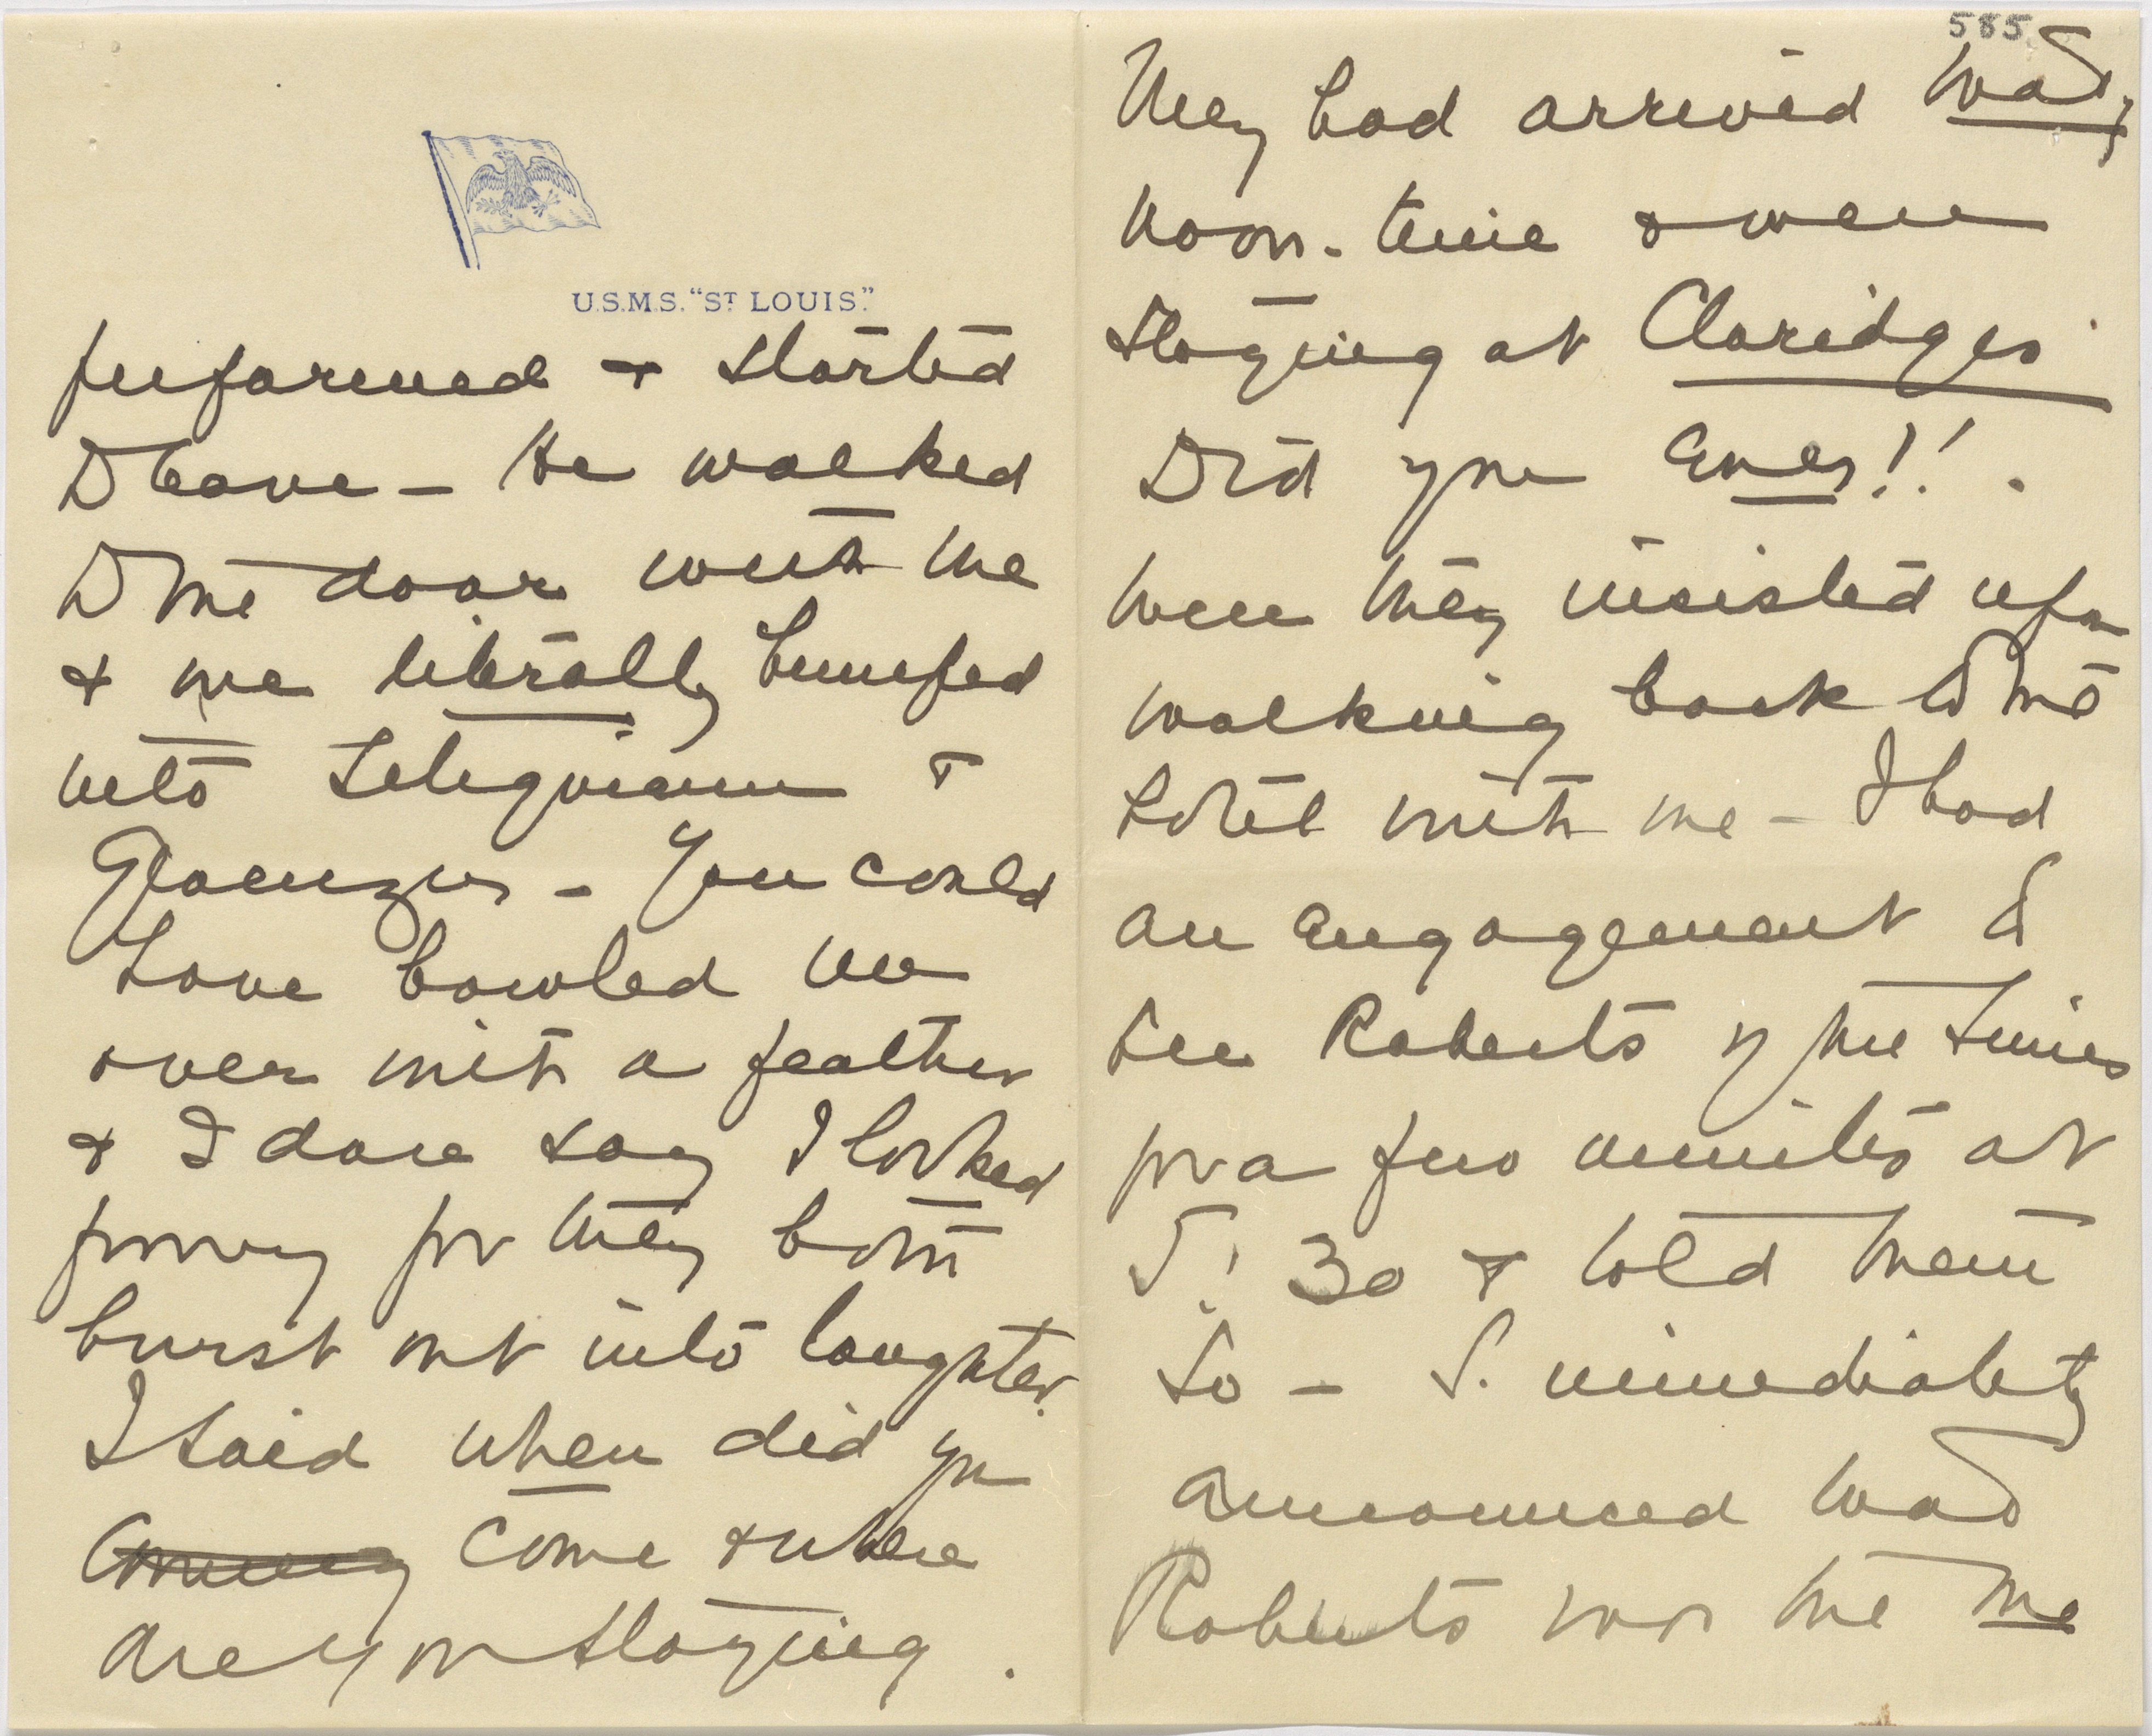performed & started to leave – He walked to the door with me & we literally bumped into Seligmann & Glaenzer – You could have bowled me over with a feather & I dare say I looked funny for they both burst out into laughter. I said when did you coming come & where are you staying.
They had arrived that noon-time & were staying at Claridge’s
Did you ever!!
Well they insisted upon walking back to the hotel with me – I had an engagement to see Roberts of the Times for a few minutes at 5:30 & told them so – S. immediately announced that Roberts was the one